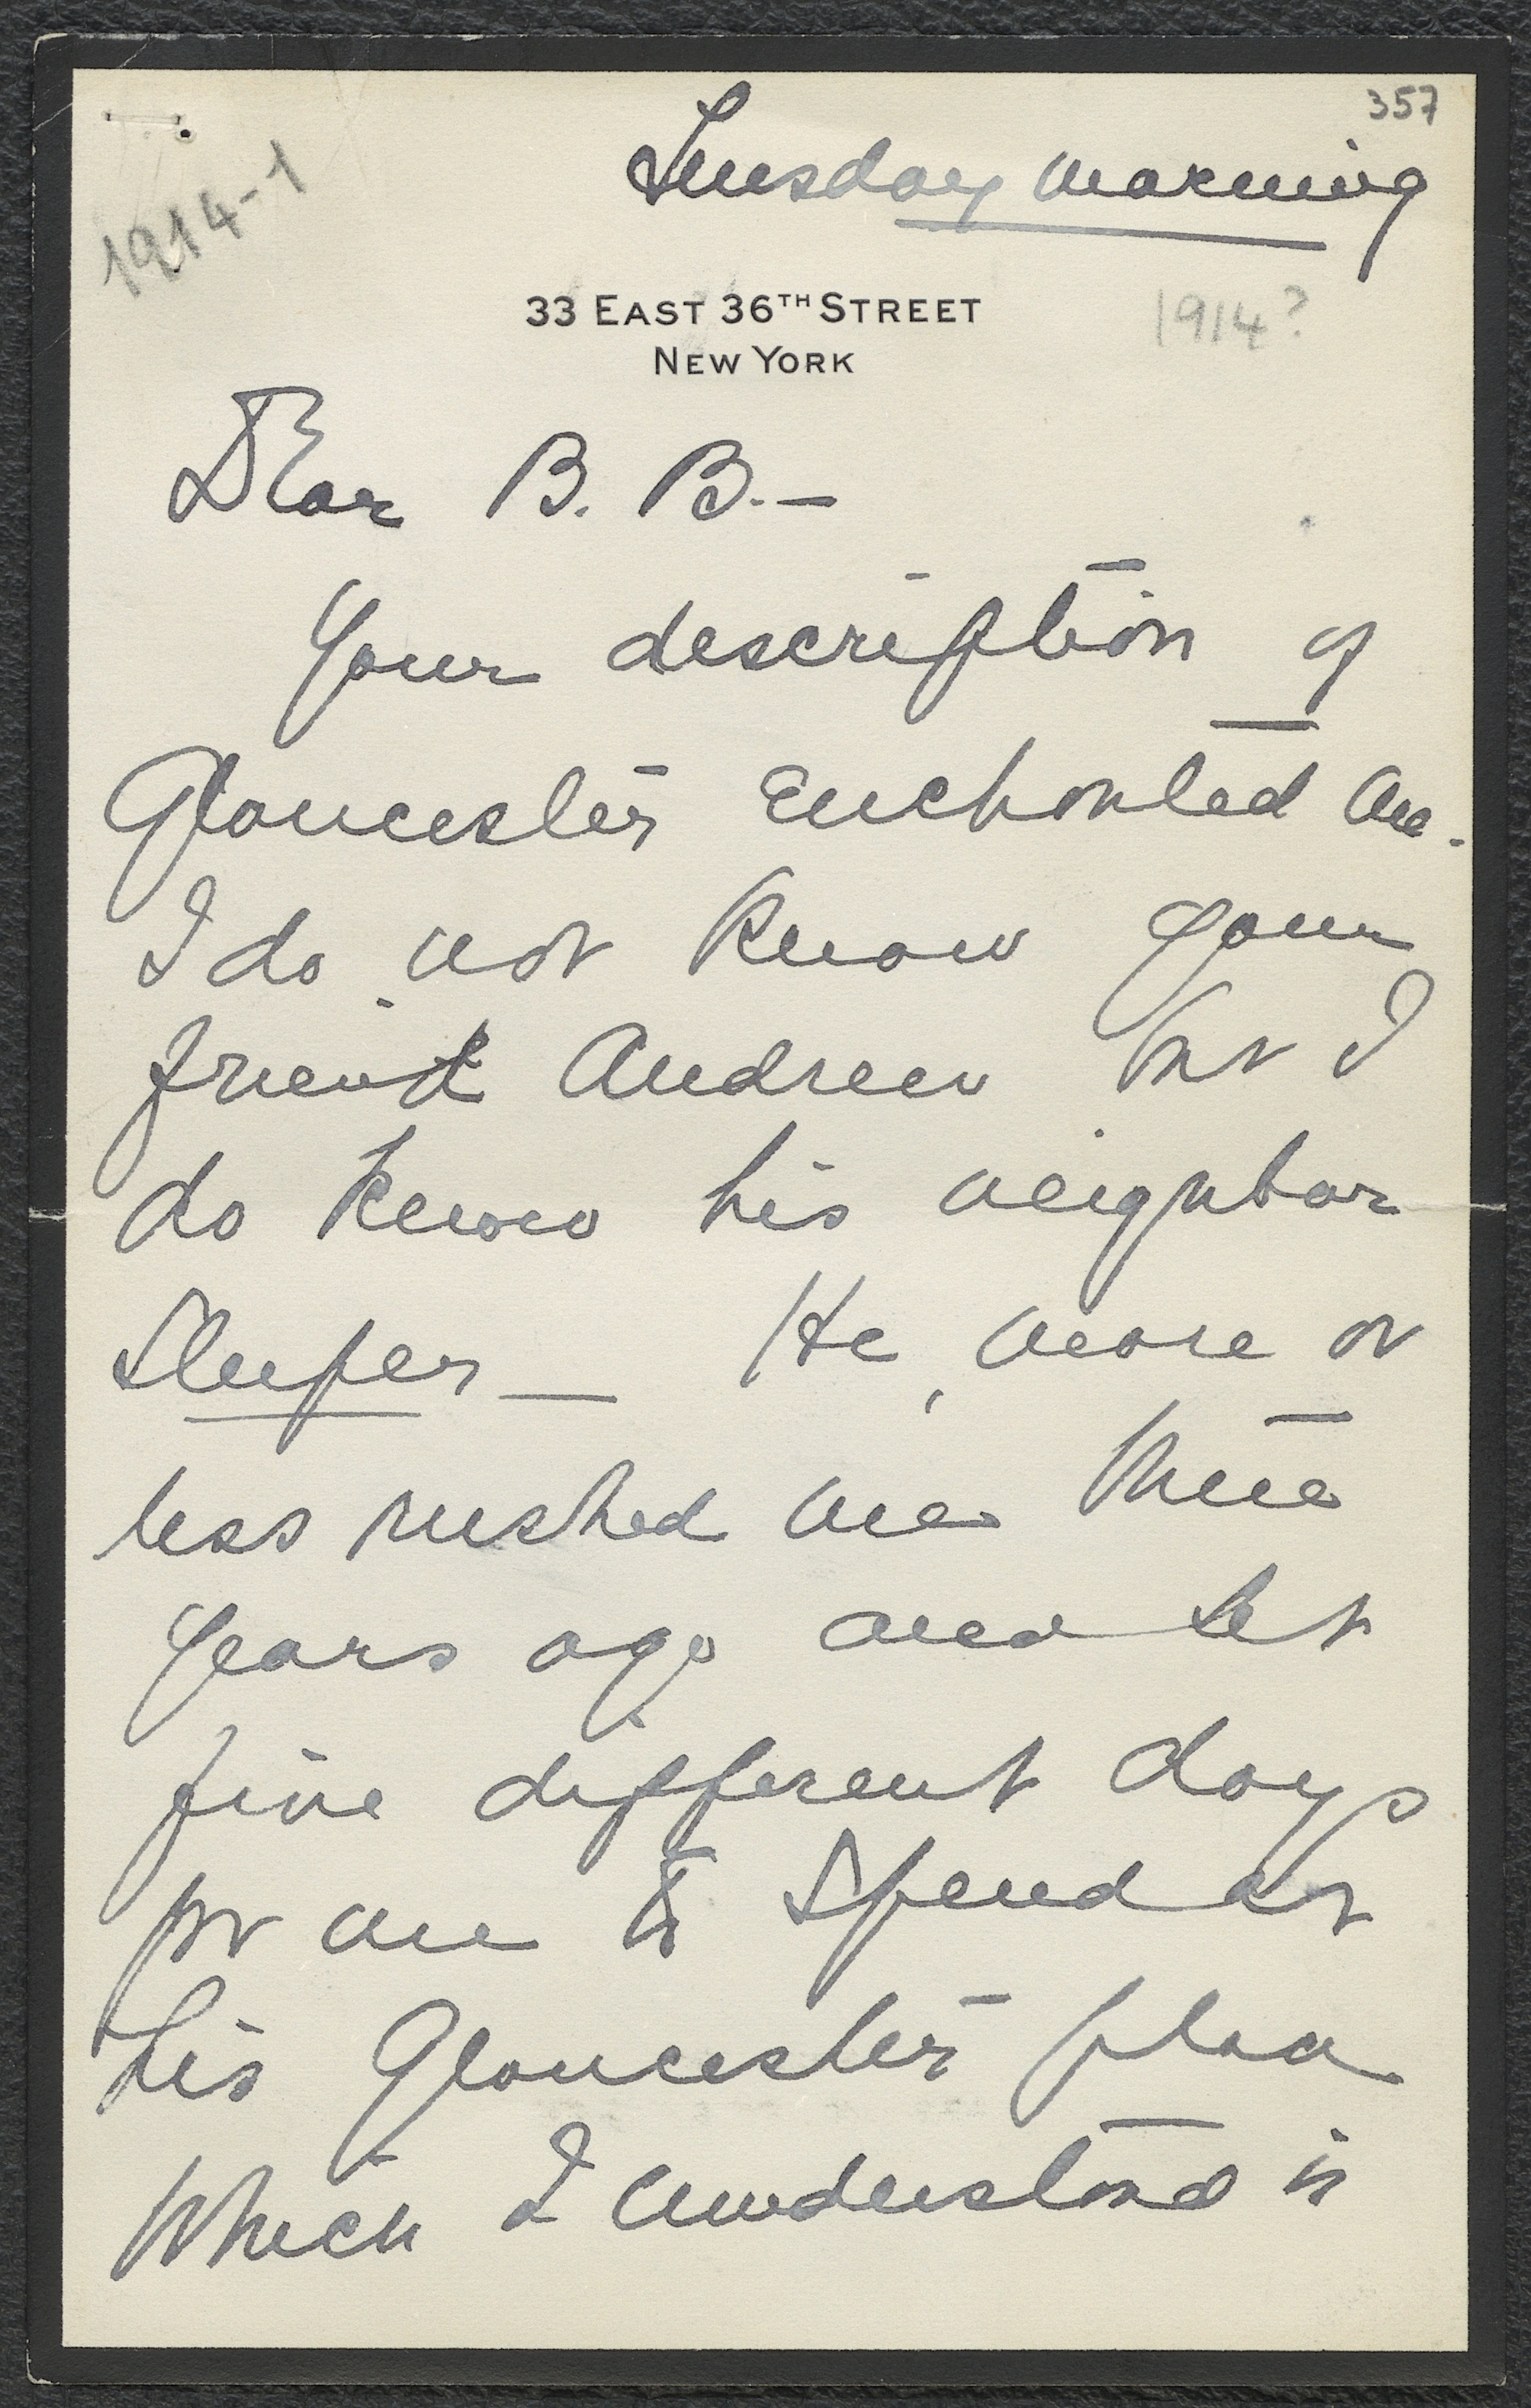Tuesday morning
Dear B.B. –
Your description of Gloucester enchanted me. I do not know your friend Andreu but I do know his neighbor Sleeper – He, more or less rushed me three years ago and let five different days for me to spend at his Gloucester place which I understand is